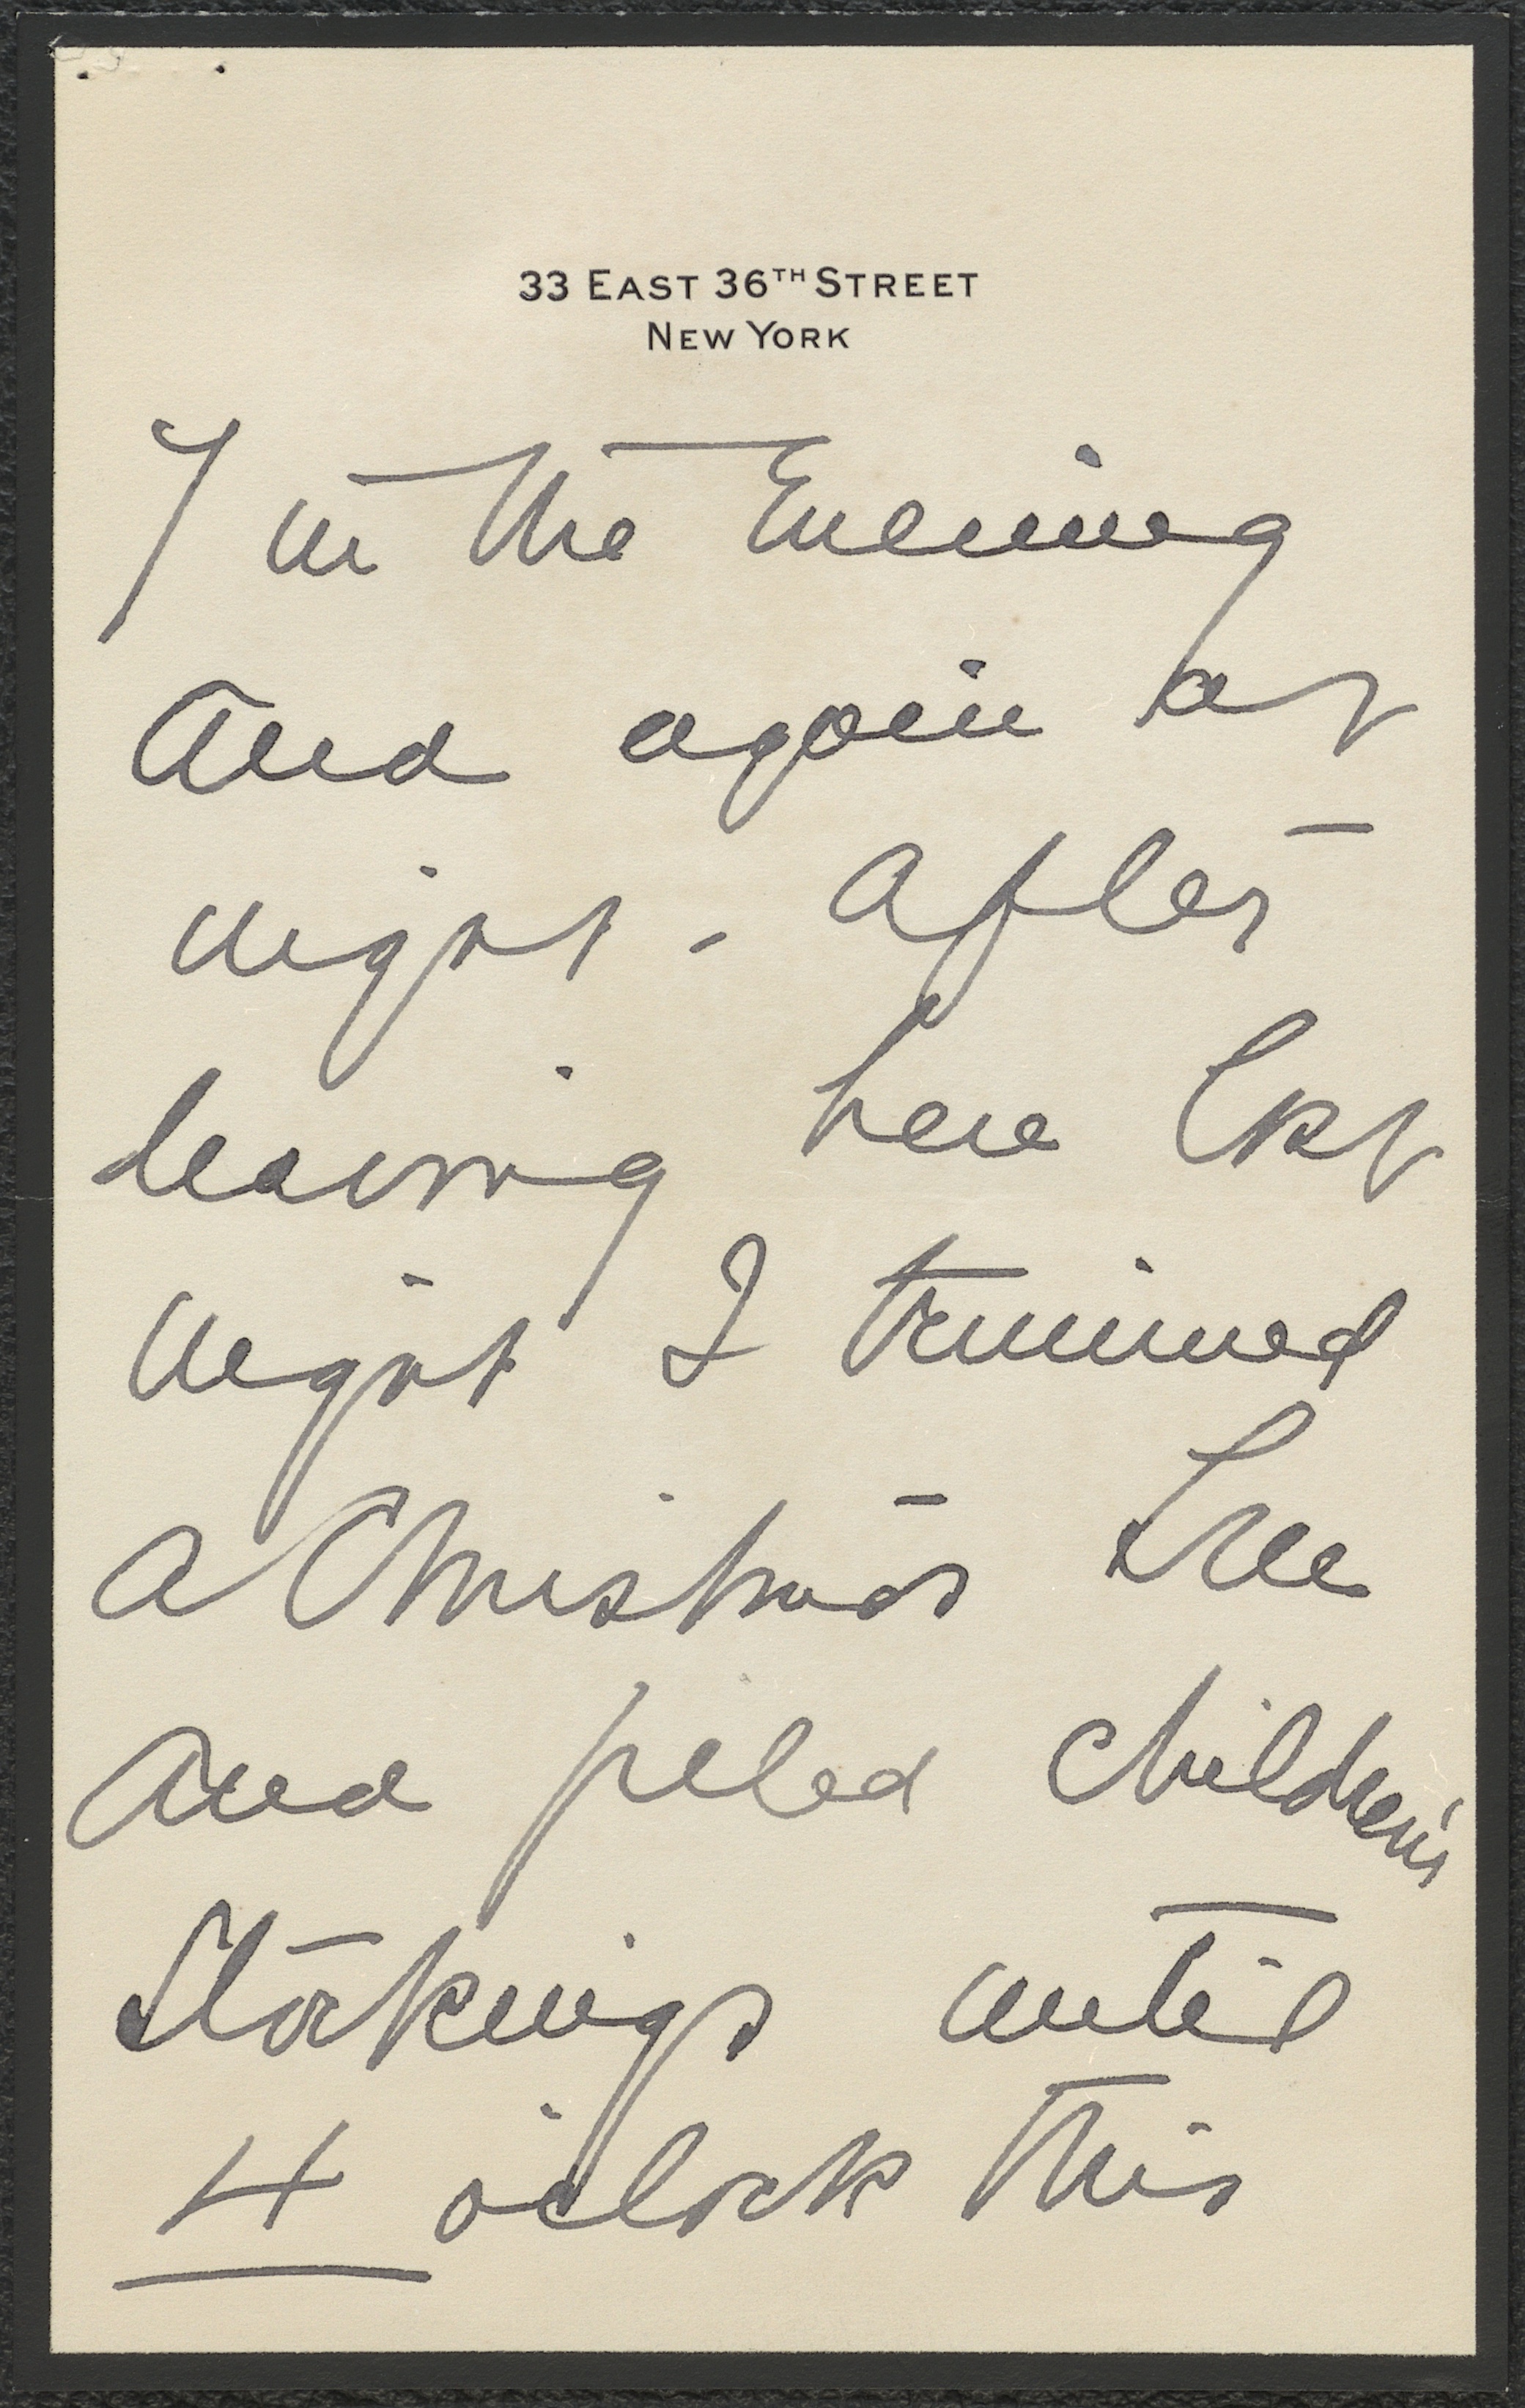7 in the evening and again at night – after leaving here last night I trimmed a Christmas Tree and filled children’s stockings until 4 o’clock this